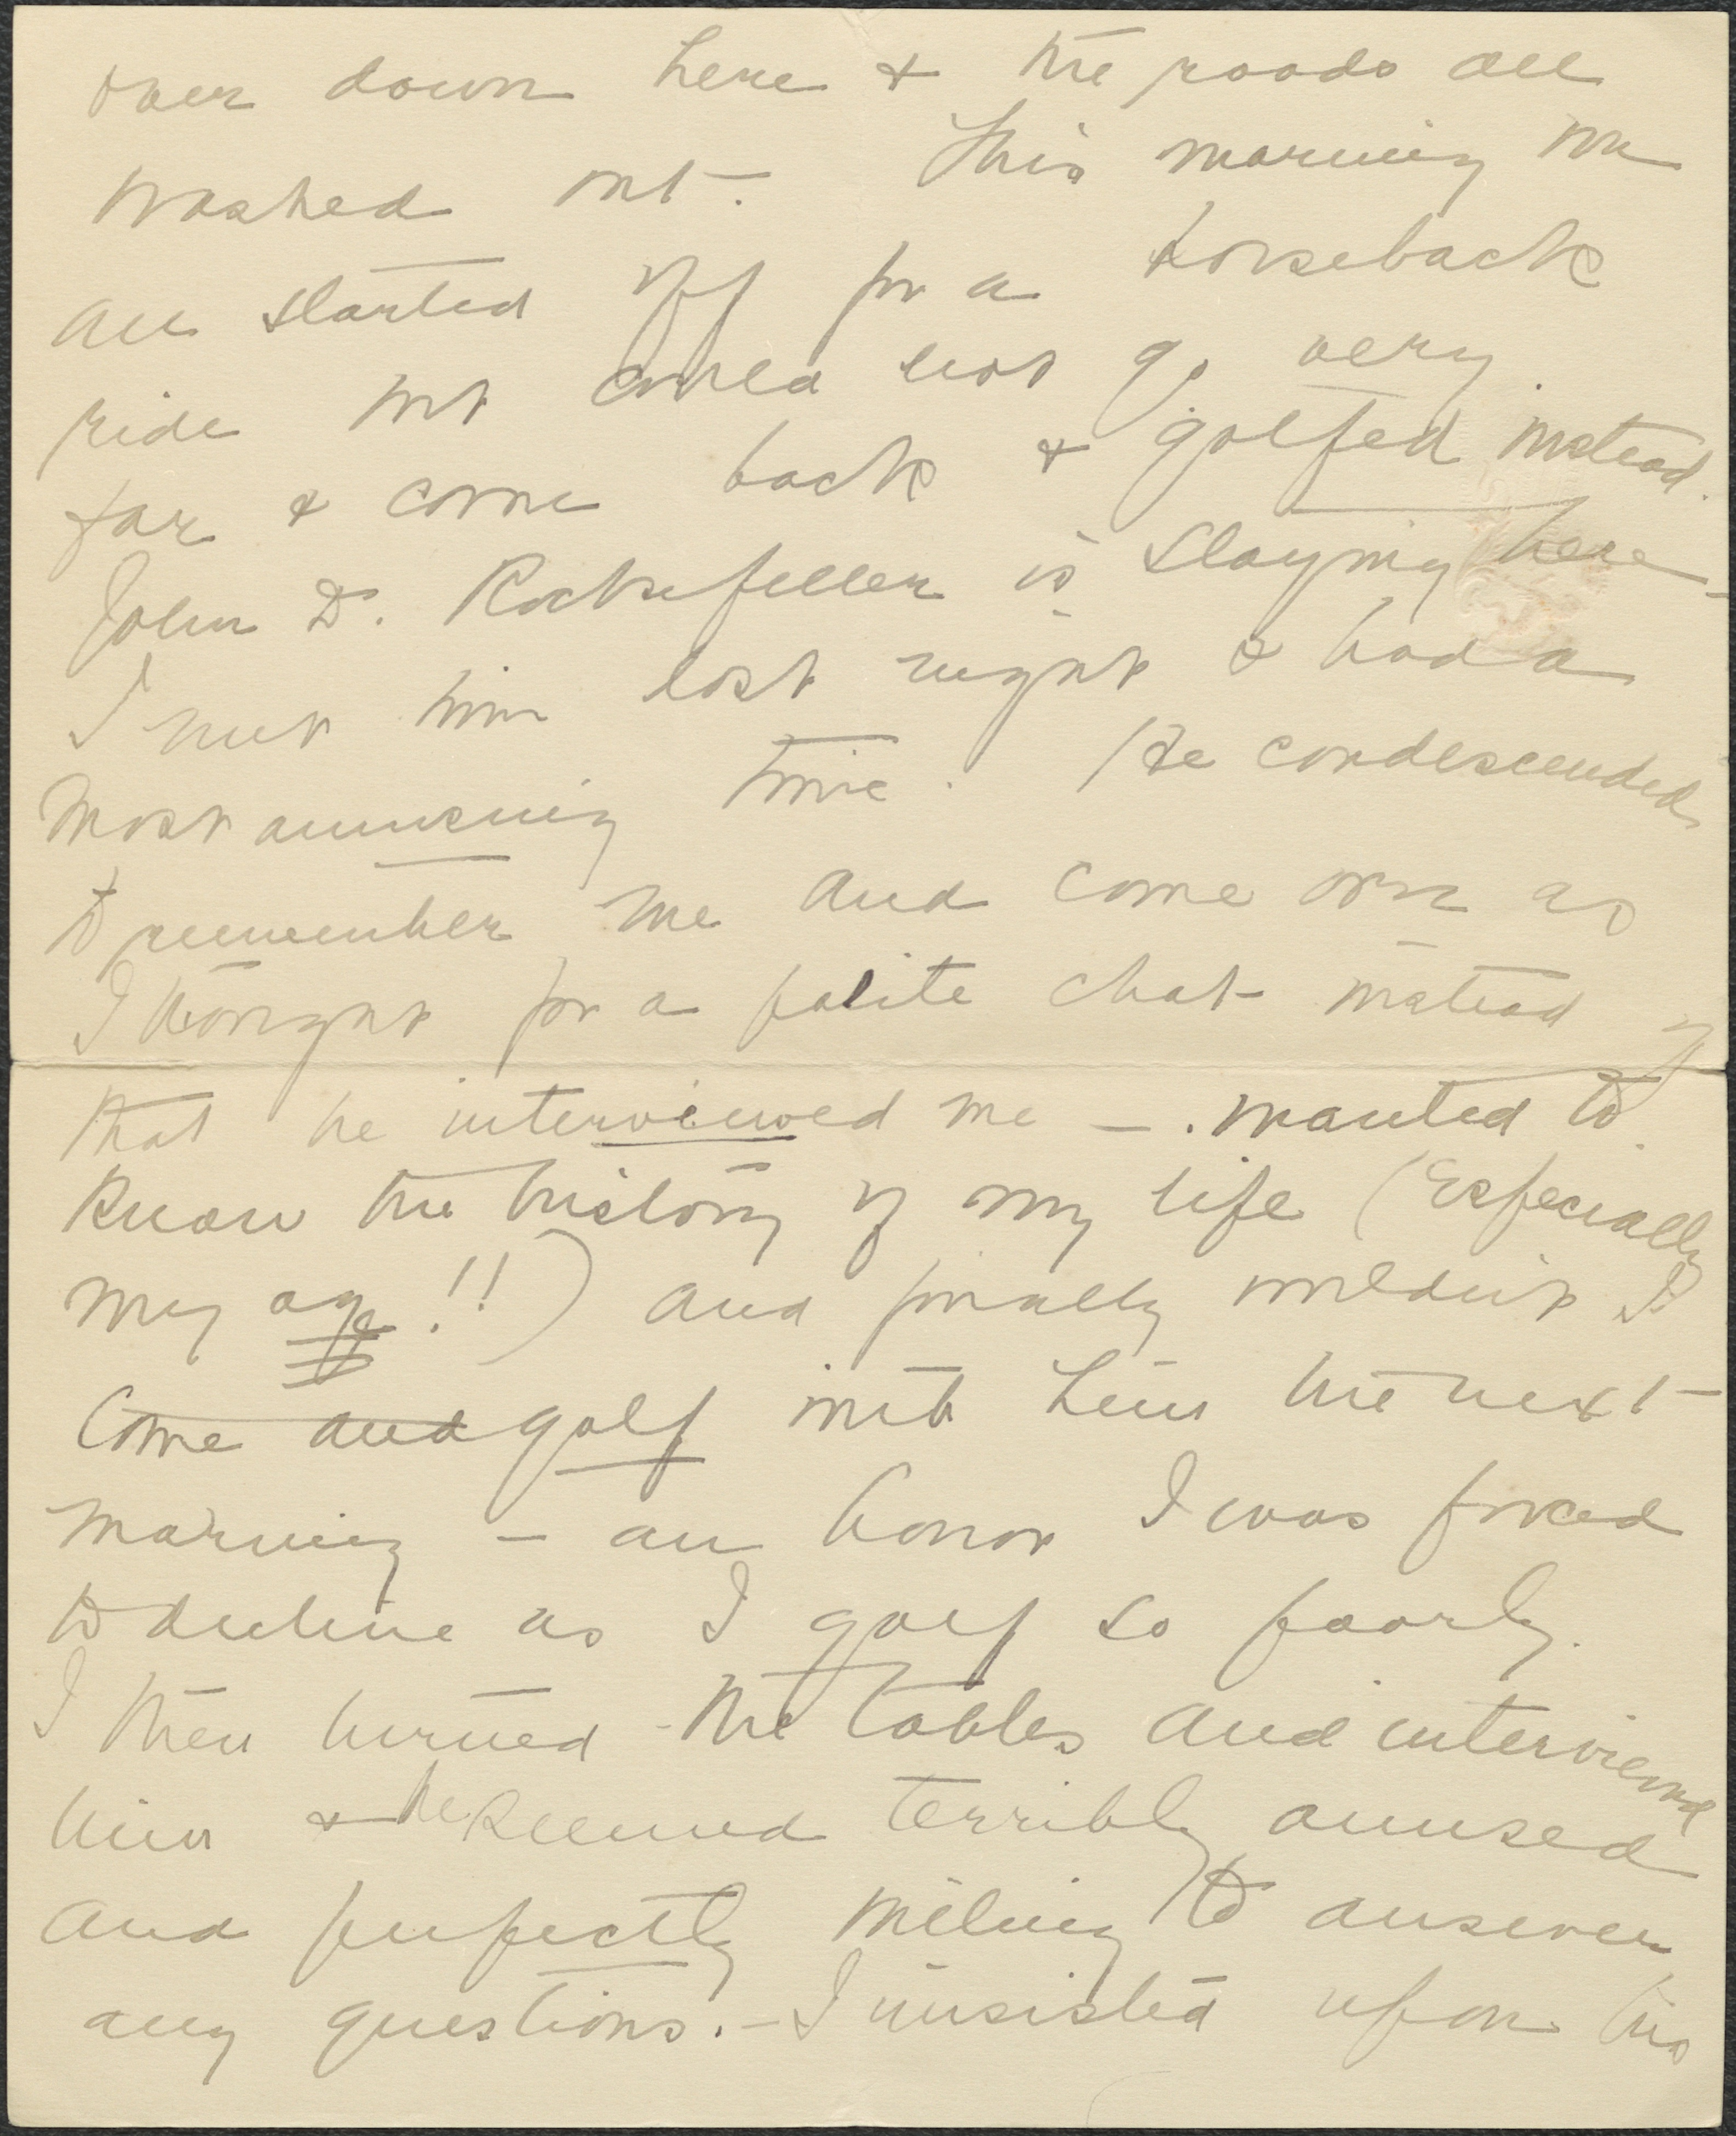over down here & the roads all washed out. This morning we all started off for a horseback ride but could not go very far & came back & golfed instead. John D. Rockefeller is staying here – I met him last night & had a most amusing time. He condescended to remember me and came over as I thought for a polite chat instead of that he interviewed me – wanted to know the history of my life (especially my [triple underlined: age]!!) and finally wouldn’t I come and golf with him the next morning – an honor I was forced to decline as I golf so poorly. I then turned the tables and interviewed him & ^he^ seemed terribly amused and perfectly willing to answer any questions. – I insisted upon his